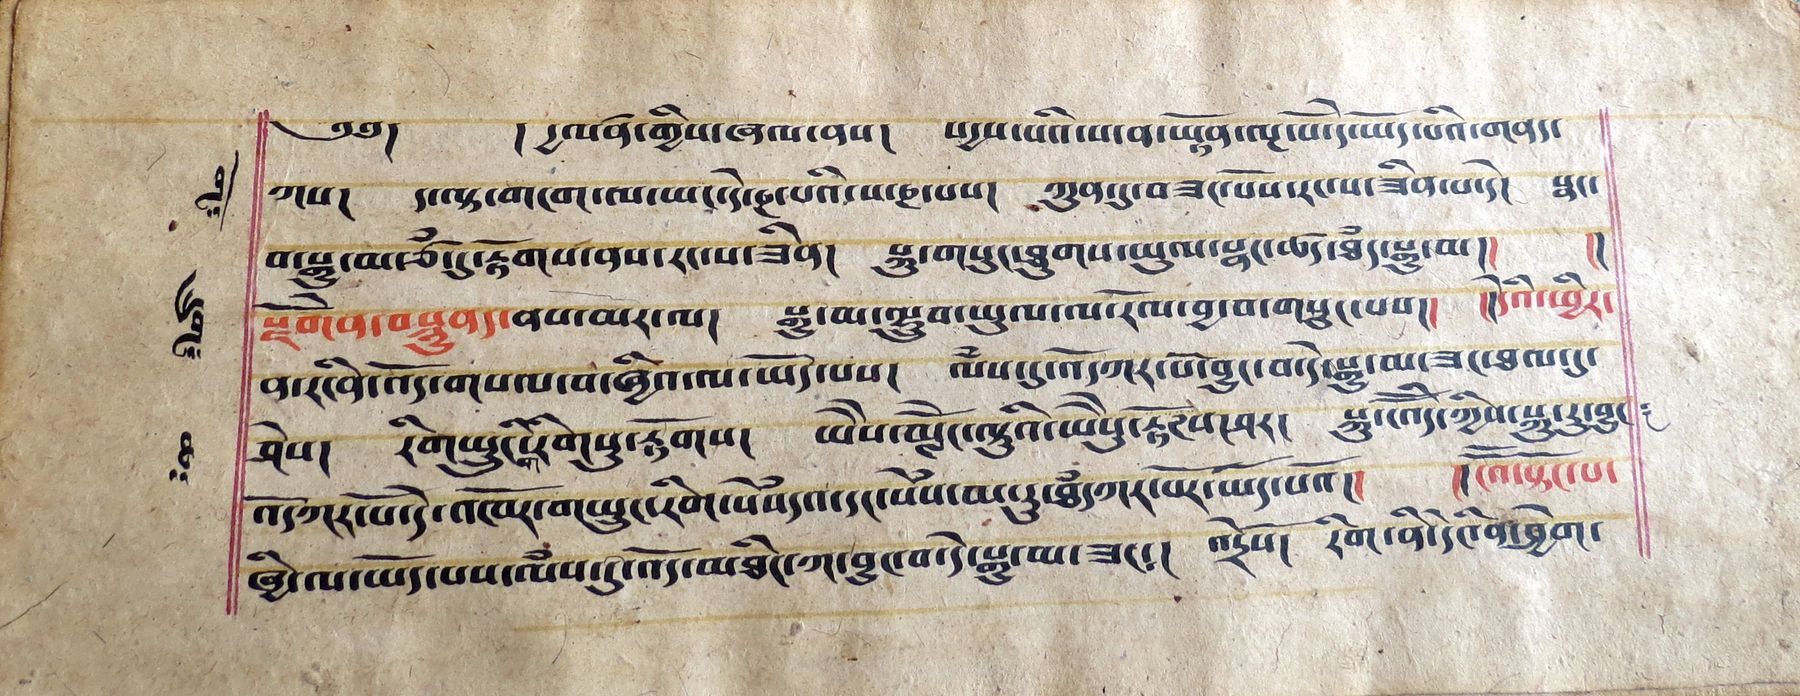རྒྱལ་མཚན་གྱི་ཞལ་ནས། སངས་རྒྱས་པའི་ས་ནས་ཡོན་ཏན་དེ་དག་ལྔ་པོ་ཡོད་པའི་གནད་
ཀས། ད་ལྟ་གང་ཟག་ལ་ཡང་དེ་མེད་པའི་ས་མེད་པས། ཀུན་ཏུ་བཟང་པོས་རང་ས་ཟིན་པ་དེ། སྣང་
བ་སྒྱུ་མ་ཙམ་དུ་རྟོགས་ནས་རང་ས་ཟིན། སྐུ་སྒྱུ་མ། གསུང་སྒྱུ་མ། ཐུགས་སྒྱུ་མ། ཡུལ་སྒྱུ་མ། སྣང་ཚད་ཐམས་ཅད་སྒྱུ་མར་
རྫོགས་ཆེན་སྙན་རྒྱུད་ནས། སྒྱུ་མ་ལྷུན་གྲུབ་ཡུལ་ལ་གྲོལ་བ་བྱ་བ་གསུངས་པས། དེའི་ཕྱིར་
ན། རང་བཞིན་འོད་གསལ་བ་གཞི་ལ་ཡོད་ཀྱང། ལམ་དུ་འོད་དཀར་པོ་བྱུང་བ་དེ་སྒྱུ་མ་ཟང་ཐལ་དུ་
ཤེས། རིགས་གཡུང་དྲུང་གི་རིགས་སུ་གཏོགས། ཡེ་ཤེས་མེ་ལོང་ལྟ་བུའི་ཡེ་ཤེས་སུ་ཤར། སྐུ་ངོ་བོ་ཉིད་ཀྱི་སྐུ་རུ་བྱུང། 
འོད་དཀར་པོ་དེ་འཁོར་གཡུང་དྲུང་སེམས་དཔའ་དང་སེམས་མ་ཐམས་ཅད་དཀར་པོར་གནས། ངོ་བོ་སྟོང་པ་
གཞི་ལ་ཡོད་པས། ལམ་དུ་འོད་མཐིང་ཁ་བྱུང་བ་དེ། སྒྱུ་མ་ཟང་ཐལ་དུ་ཤེས་པས། རིགས་ནི་དེ་བཞིན་གཤེགས་